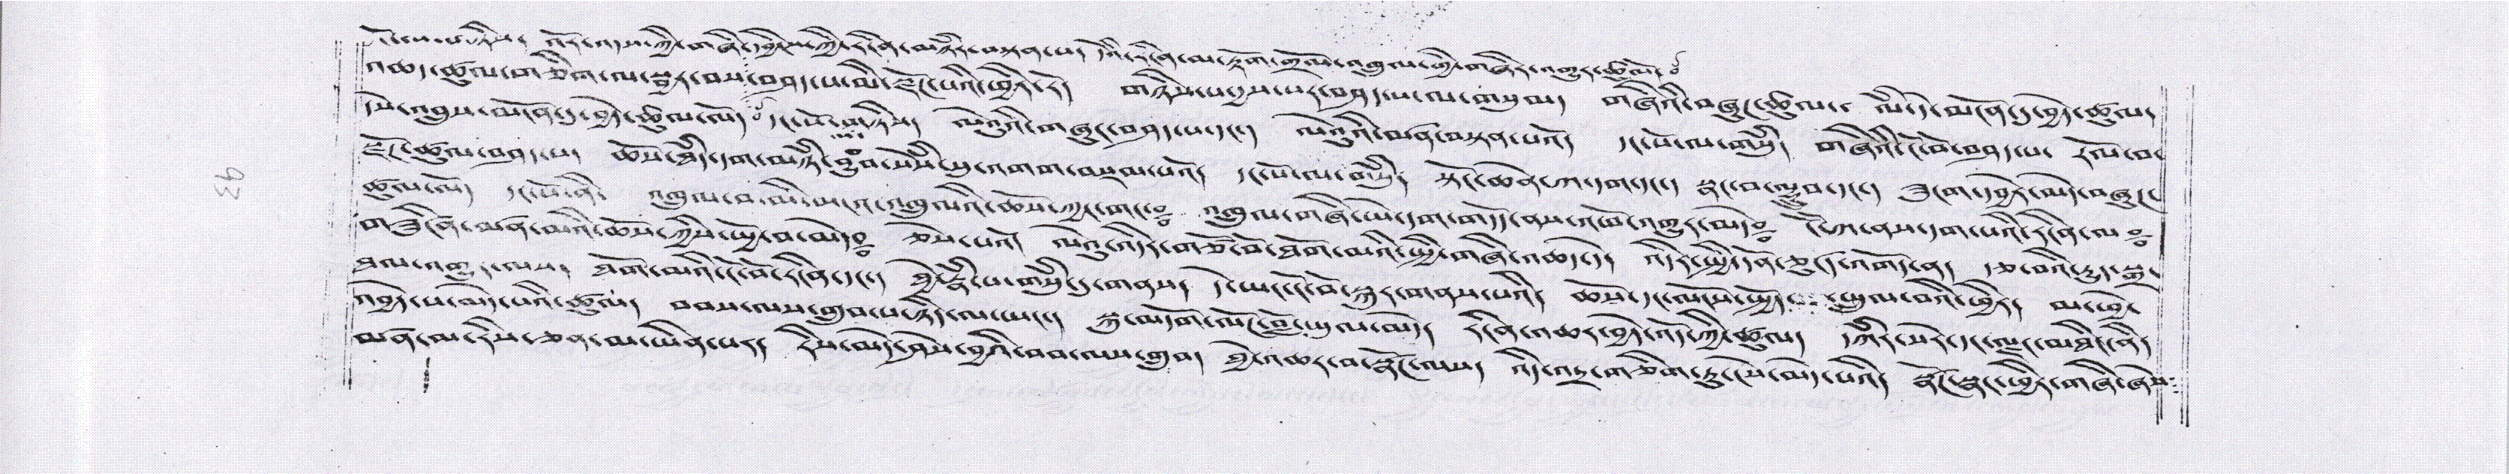འཆད་ཚུལ་གཅིག་ལ་སྦྱར་བས་བཤད་པ་མི་རྫོགས་པའི་ཕྱིར་རོ། གཉིས་པ་རྒྱས་པར་བཤད་པ་ལ་གསུམ། གཞིའི་བཞུགས་ཚུལ། ལམ་དེ་མངོན་དུ་བྱེད་ཚུལ། 
དེས་འབྲས་བུ་མངོན་དུ་བྱེད་ཚུལ་ལོ། དང་པོ་གཉིས། འཁོར་འདས་ཀྱི་གཞི་དབྱིངས་ཀྱི་རང་བཞིན་མཉམ་པར་བསྟན་པ། དེའི་རང་བཞིན་ལ་རྟོག་གྲོལ་འཁྲུལ་གྱི་གཞིར་འགྱུར་ཚུལ་ལོ། དང་པོ་ལ་གཉིས། ལེའུ་གཞུང་བཤད་པ་དང་། ལེའུའི་མཚན་བསྟན་པའོ། དང་པོ་ལ་གསུམ། གཞིའི་ངོ་བོ་བཤད་པ། རོལ་པ་
རྫོགས་ཚུལ་བཤད་པ། ཆོས་ཐམས་ཅད་དག་མཉམ་བྱང་ཆུབ་སེམས་སུ་འགག་བསྡམ་པའོ། དང་པོ་ལ་གསུམ། སྟོང་ཆེན་ཀ་དག་དང་། སྣང་བ་ལྷུན་གྲུབ་དང་། ཟུང་འཇུག་དབྱེར་མེད་བཞུགས་
ཚུལ་ལོ། དང་པོ་ནི། འཁྲུལ་པ་མི་མངའ་འཁྲུལ་པའི་ཆོས་ཀྱང་གངཿ འཁྲུལ་གཞི་ཡེ་དག་གདོད་ནས་འཕོ་འགྱུར་མེདཿ ངོ་བོ་ཀ་ནས་དག་པའི་རང་བཞིན་ལཿ 
གཟུང་འཛིན་མཚན་མའི་ཆོས་ཀྱིས་གཡོ་བ་མེདཿ ཅེས་པའོ། ལེའུ་འདིར་གཙོ་བོ་ཐོག་མའི་སྤྱི་གཞི་འཆད་དེ། འདིར་སྤྱི་དོན་ཅུང་ཟད་འགོད་ན། རྩ་བའི་རྒྱུད་སྒྲ་
ཐལ་འགྱུར་ལས། ཐོག་མའི་ངོ་བོ་རང་བཞིན་དང་། ཐུགས་རྗེ་རྣམ་པ་གསུམ་དུ་གནས། དེ་ཡང་ངོ་བོ་སྐུར་གནས་པའི། ཆོས་དང་ལོངས་སྤྱོད་སྤྲུལ་པའི་ཕྱིར། མ་ཕྱེ་
འབྱེད་པ་མེད་པའི་ཚུལ། བབས་ལས་གྲུབ་པ་ཉིད་ལ་ཡང་། སྐུ་མདོག་ལ་སོགས་བློ་ཡུལ་མེད། རང་བཞིན་འཆར་བྱེད་འོད་ཀྱི་ཚུལ། དཀར་དམར་སེར་དང་ལྗང་མཐིང་ནི། 
མཚན་མ་རིས་ཅན་མ་ཡིན་པར། རིས་མེད་ཤེས་བྱའི་བབས་ལས་གྲུབ། ཐུགས་རྗེ་འཆར་བ་སྣ་ཚོགས་ལས། འདི་འདྲ་གཅིག་ཏུ་ངེས་མེད་པའི། སྣ་ཚོགས་སྣང་ཕྱིར་གཞི་ཞེས་